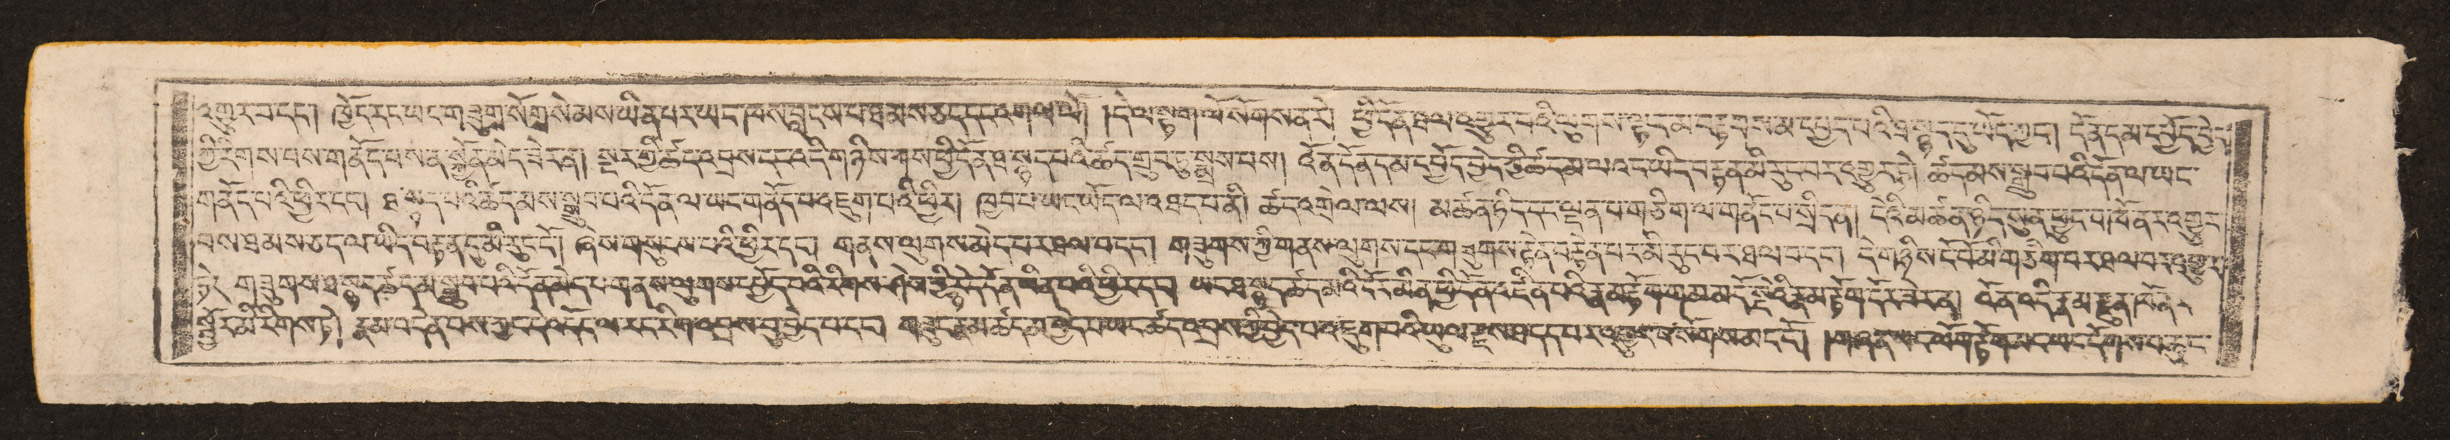འགྱུར་བ་དང་། ཁྱོད་རང་ཡང་གཟུགས་སོགས་སེམས་ཡིན་པར་ཡང་ཁས་བླངས་པ་ཐམས་ཅད་དང་འགལ་ལོ། །དེ་ལ་སྟག་ལོ་སོགས་ན་རེ། ཕྱི་དོན་ཐལ་འགྱུར་པའི་ལུགས་ལྟར་མ་བརྟགས་མ་དཔྱད་པའི་ཐ་སྙད་དུ་ཡོད་ཀྱང་། དོན་དམ་དཔྱོད་བྱེད་
ཀྱི་རིགས་པས་གནོད་པས་ན་སྐྱོན་མེད་ཟེར་ན། སྔར་གྱི་ཚད་འབྲས་དང་འདི་གཉིས་ཀས་ཕྱི་དོན་ཐ་སྙད་པའི་ཚད་གྲུབ་ཏུ་སྨྲས་པས། འོ་ན་དོན་དམ་དཔྱོད་བྱེད་ཀྱི་ཚད་མ་ལའང་ཡིད་བརྟན་མི་རུང་བར་འགྱུར་ཏེ། ཚད་མས་སྒྲུབ་པའི་དོན་ལ་ཡང་
གནོད་པའི་ཕྱིར་དང་། ཐ་སྙད་པའི་ཚད་མས་སྒྲུབ་པའི་དོན་ལ་ཡང་གནོད་པ་འཇུག་པའི་ཕྱིར། ཁྱབ་པ་ཡང་ཡོད་ལ་འཐད་པ་ནི། ཚད་འགྲེལ་ལས། མཚན་ཉིད་དང་ལྡན་པ་གཅིག་ལ་གནོད་པ་སྲིད་ན། དེའི་མཚན་ཉིད་སུན་ཕྱུང་བ་ཁོ་ནར་འགྱུར་
བས་ཐམས་ཅད་ལ་ཡིད་བརྟན་དུ་མི་རུང་ངོ། ཞེས་གསུངས་པའི་ཕྱིར་དང་། གནས་ལུགས་མེད་པར་ཐལ་བ་དང་། གཟུགས་ཀྱི་གནས་ལུགས་དང་གཟུགས་རྟེན་བརྟེན་པར་མི་རུང་བར་ཐལ་བ་དང་། དེ་གཉིས་ངོ་བོ་མི་གཅིག་པར་ཐལ་པར་འགྱུར་
ཏེ༑ གཟུགས་ཐ་སྙད་ཚད་མ་སྒྲུབ་པའི་དོན་མེད་པ་གནས་ལུགས་དཔྱོད་པའི་རིགས་ཤེས་ཀྱི་རྙེད་དོན་ཡིན་པའི་ཕྱིར་དང་། ཡང་ཐ་སྙད་ཚད་མའི་ངོར་མིན་ཕྱི་དོན་འཛིན་པའི་རྣམ་རྟོག་གམ་མདོ་སྡེའི་རྣམ་རྟོག་ངོར་ཟེར་ན། འོ་ན་འདི་རྣམ་རྫུན་ཁོ་ནར་
སྦྱོར་ནི་རིགས་ཏེ། རྣམ་བདེན་པས་ཀྱང་དེ་འདོད་ལ་རང་རིག་འབྲས་བུ་བྱེད་པ་དང་། གཟུང་རྣམ་ཚད་མ་བྱེད་པ་ཡང་ཚད་འབྲས་ཀྱི་བྱེད་པ་འཇུག་པའི་ཡུལ་རྫས་ཐ་དད་པར་འགྱུར་བ་སོགས་མང་ངོ། །གཞན་ཡང་ལོག་རྟོག་མང་ཡང་དོགས་བ་ཆུང་